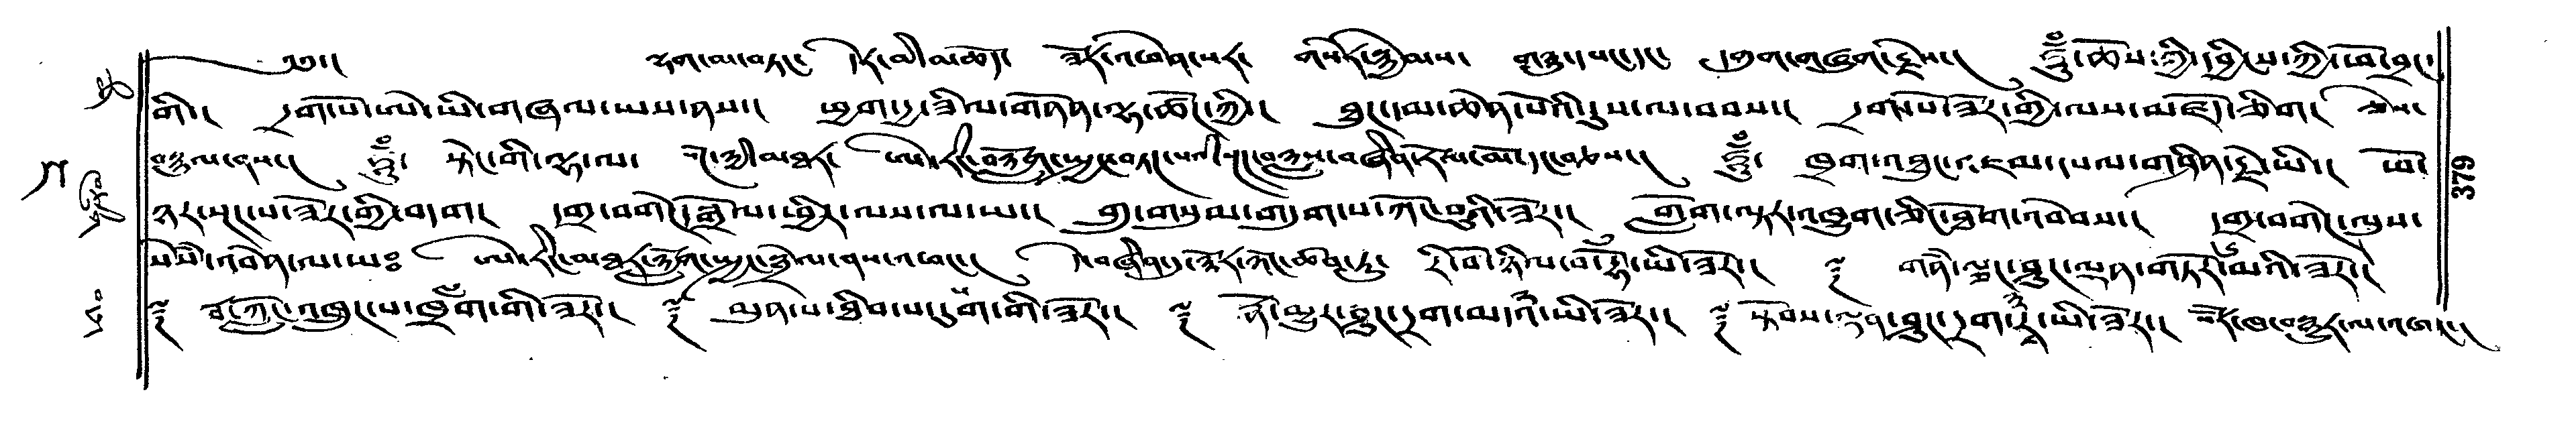ལྷག་མ་བཏང་། དེར་མི་མཆོད། ཟོར་འཕེན་སར། གསེར་སྐྱེམས། གཟུ་དཔང་དང་། དགུག་གཞུག་རྗེས། ཧཱུྃ། ཆོས་ཀྱི་དབྱིངས་ཀྱི་ཕོ་བྲང་
གི །དྲག་པོ་ཨེ་ཡི་གཞལ་ཡས་ནས། །ཕྱག་རྒྱ་ཟིལ་གནོན་ལྷ་ཚོགས་ཀྱི། །ཐུགས་དམ་ཆེན་པོའི་དུས་ལ་བབས། །དྲག་པོ་ཟོར་གྱི་ལས་མཛོད་ཅིག ཅེས་
བསྐུལ་ནས། ཧཱུྃ། སྟེང་གི་ལྷ་ལ༴ སོགས་ཀྱི་མཐར། ཨེ་རིང་བཟློག་སྤྱང་བཏགས་པའི་སྔགས་བཟླ་བཞིན་རོལ་མོ་དང་བཅས། ཧཱུྃ། ཁྲག་འཐུང་འཇམ་དཔལ་གཤིན་རྗེ་ཡི། །ཕོ་
ཉར་སྔགས་པ་ཟོར་གྱི་བདག །དགྲ་བགེགས་སྒྲོལ་ཕྱིར་ལས་ལ་ཡ། །གྲུ་གསུམ་གདུག་པ་ཀོང་བུའི་ཟོར། །གློག་ལྟར་འཁྱུག་ཅིང་ཐོག་ལྟར་འབེབས། །དགྲ་བགེགས་ལུས་
སེམས་འབེན་ལ་ཡ། ཨེ་རིང་མཐར་བཟློག་སྤྱང་སྦྲེལ་ནས་འཕང་། དེ་བཞིན་དུ་ཟོར་ཀོང་ཚབ་ཏུ། རི་བོ་ཉིལ་བ་རྡོ་ཡི་ཟོར། ༈ གནམ་ལྕགས་ཤུགས་ལྡན་གཏོར་མའི་ཟོར། 
༈ རྦ་ཀློང་འཁྲུགས་པ་ཁྲག་གི་ཟོར། ༈ མུན་པ་ཐིབ་པ་དུག་གི་ཟོར། ༈ རྣོ་མྱུར་ཤུགས་དྲག་མདའ་ཡི་ཟོར། ༈ སྟོབས་ལྡན་ཤུགས་དྲག་རྭ་ཡི་ཟོར། སོ་སོར་ཁ་བསྒྱུར་ལ་འཕང་།